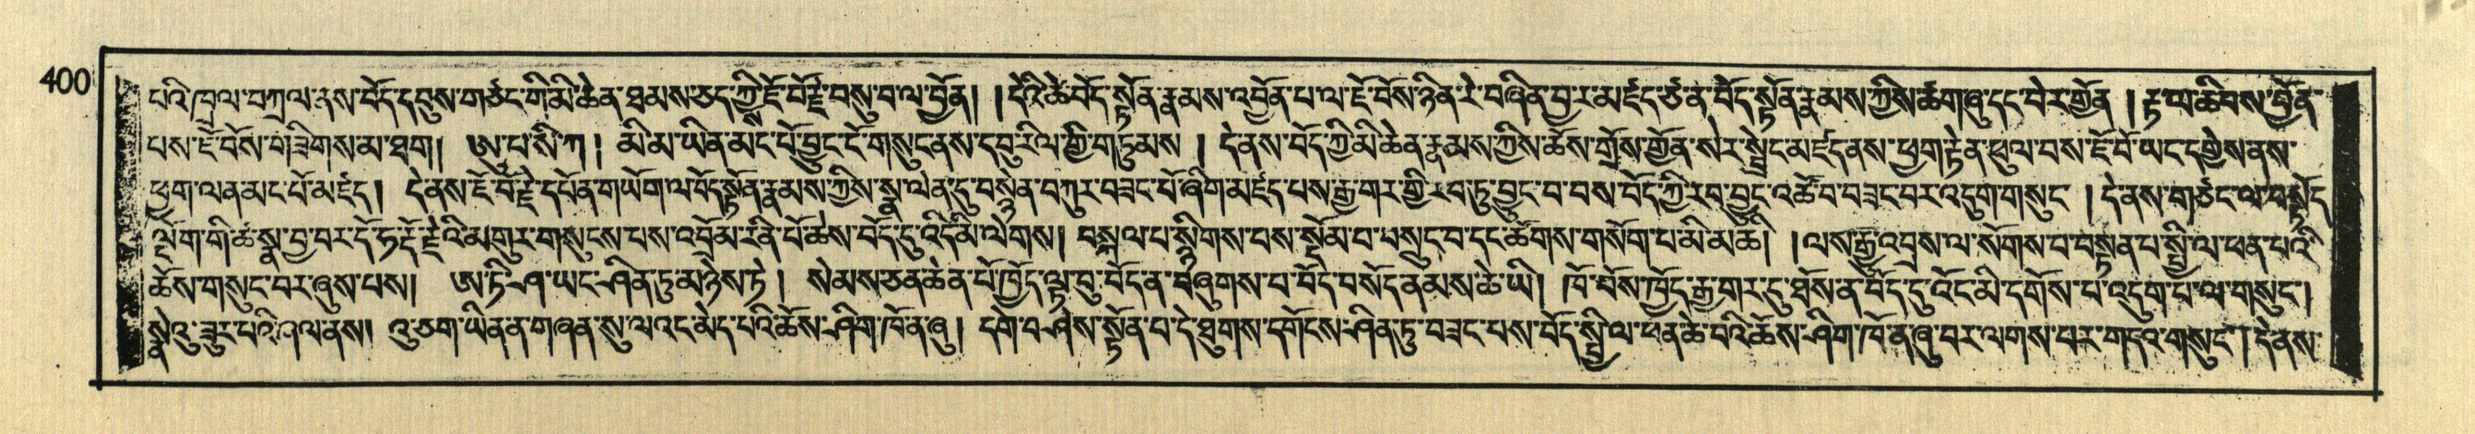པའི་ཁྲལ་བཀྲལ་ནས་བོད་དབུས་གཙང་གི་མི་ཆེན་ཐམས་ཅད་ཀྱིས་ཇོ་བོ་རྗེ་བསུ་བ་ལ་བྱོན། །དེའི་ཚེ་བོད་སྟོན་རྣམས་འབྱོན་པ་ལ་ཇོ་བོས་ཉིན་རེ་བཞིན་བྱ་ར་མཛད་ཙ་ན་བོད་སྟོན་རྣམས་ཀྱིས་ཚག་ཞུ་དང་པེར་གྱོན། །རྟ་ལ་ཆིབས་བྱོན་
པས་ཇོ་བོས་གཟིགས་མ་ཐག། ཨུ་པ་སི་ཀ། མི་མ་ཡིན་མང་པོ་བྱུང་ངོ་གསུང་ནས་དབུ་རིལ་གྱི་གཏུམས། དེ་ནས་བོད་ཀྱི་མི་ཆེན་རྣམས་ཀྱིས་ཆོས་གྲོས་གྱོན་སེར་སྦྲེང་མཛད་ནས་ཕྱག་རྟེན་ཕུལ་བས་ཇོ་བོ་ཡང་དགྱེས་ནས་
ཕྱག་ལན་མང་པོ་མཛད། དེ་ནས་ཇོ་བོ་རྗེ་དཔོན་གཡོག་ལ་བོད་སྟོན་རྣམས་ཀྱིས་སྣ་ལེན་དུ་བསྙེན་བཀུར་བཟང་པོ་ཞིག་མཛད་པས་རྒྱ་གར་གྱི་རབ་ཏུ་བྱུང་བ་བས་བོད་ཀྱི་རབ་བྱུང་འཚོ་བ་བཟང་བར་འདུག་གསུང་།དེ་ནས་གཙང་ལ་བསྟོད་
ལྡོག་གི་ཚ་སྣ་བྱ་བར་དོ་ཧ་རྡོ་རྗེའི་མགུར་གསུངས་པས་འབྲོམ་རིན་པོ་ཆེས་བོད་དུ་འདི་མི་ལེགས། བསྐལ་པ་སྙིགས་པས་སྡོམ་བ་བསྲུང་བ་དང་ཚོགས་གསོག་པ་མི་མཆི། །ལས་རྒྱུ་འབྲས་ལ་སོགས་པ་བསྟན་པ་སྤྱི་ལ་ཕན་པའི་
ཆོས་གསུང་བར་ཞུས་པས། ཨ་ཏི་ཤ་ཡང་ཤིན་ཏུ་མྱེས་ཏེ། སེམས་ཅན་ཆེན་པོ་ཁྱོད་ལྟ་བུ་བོད་ན་བཞུགས་པ་བོད་བསོད་ནམས་ཆེ་ཡི། ཁོ་བོས་ཁྱོད་རྒྱ་གར་དུ་ཐོས་ན་བོད་དུ་འོང་མི་དགོས་པ་འདུག་པ་ལ་གསུང་།
སྣེའུ་ཟུར་པའི་ཞལ་ནས། འུ་ཅག་ཡིན་ན་གཞན་སུ་ལའང་མེད་པའི་ཆོས་ཤིག་ཁོ་ན་ཞུ། དགེ་བཤེས་སྟོན་པ་དེ་ཐུགས་དགོངས་ཤིན་ཏུ་བཟང་པས་བོད་སྤྱི་ལ་ཕན་ཆེ་བའི་ཆོས་ཤིག་ཁོ་ན་ཞུ་བར་ལགས་པར་གདའ་གསུང་། དེ་ནས་